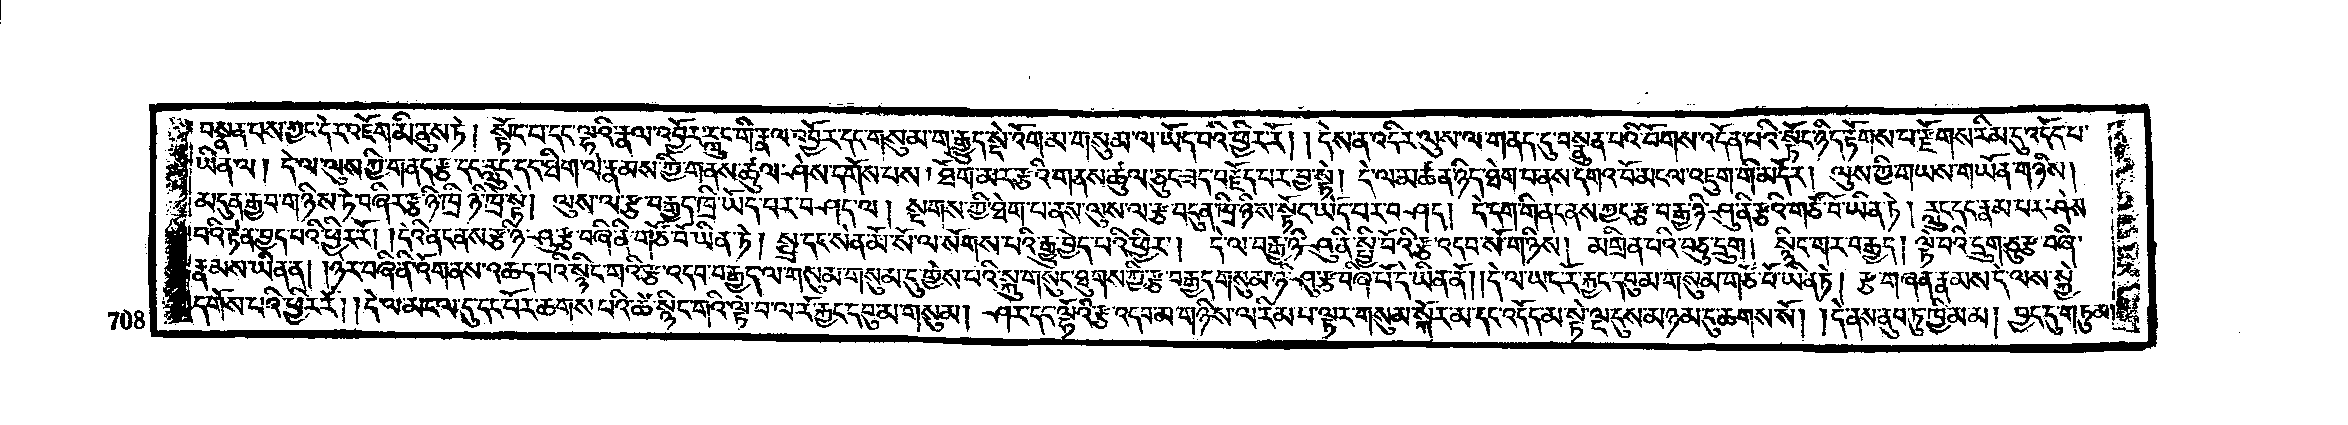བསྣན་པས་ཀྱང་དེར་འཇོག་མི་ནུས་ཏེ། སྟོང་པ་དང་ལྷའི་རྣལ་འབྱོར་རླུང་གི་རྣལ་འབྱོར་དང་གསུམ་ག་རྒྱུད་སྡེ་འོག་མ་གསུམ་ལ་ཡོད་པའི་ཕྱིར་རོ། །དེས་ན་འདིར་ལུས་ལ་གནད་དུ་བསྣུན་པའི་བོགས་འདོན་པའི་སྟོང་ཉིད་རྟོགས་པ་རྫོགས་རིམ་དུ་འདོད་པ་
ཡིན་ལ། དེ་ལ་ལུས་ཀྱི་གནད་རྩ་དང་རླུང་དང་ཐིག་ལེ་རྣམས་ཀྱི་གནས་ཚུལ་ཤེས་དགོས་པས། ཐོག་མར་རྩའི་གནས་ཚུལ་ཅུང་ཟད་བརྗོད་པར་བྱ་སྟེ། དེ་ལ་མཚན་ཉིད་ཐེག་པ་ནས་དགའ་བོ་མངལ་འཇུག་གི་མདོར། ལུས་ཀྱི་གཡས་གཡོན་གཉིས།
མདུན་རྒྱབ་གཉིས་ཏེ་བཞིར་རྩ་ཉི་ཁྲི་ཉི་ཁྲི་སྟེ། ལུས་ལ་རྩ་བརྒྱད་ཁྲི་ཡོད་པར་བཤད་ལ། སྔགས་ཀྱི་ཐེག་པ་ནས་ལུས་ལ་རྩ་བདུན་ཁྲི་ཉིས་སྟོང་ཡོད་པར་བཤད། དེ་དག་གི་ནང་ནས་ཀྱང་རྩ་བརྒྱ་ཉི་ཤུ་ནི་རྩའི་གཙོ་བོ་ཡིན་ཏེ། རླུང་དང་རྣམ་པར་ཤེས་
པའི་རྟེན་བྱད་པའི་ཕྱིར་རོ། །དེའི་ནང་ནས་རྩ་ཉི་ཤུ་རྩ་བཞི་ནི་གཙོ་བོ་ཡིན་ཏེ། སྐྲ་དང་སེན་མོ་སོ་ལ་སོགས་པའི་རྒྱུ་བྱེད་པའི་ཕྱིར། དེ་ལ་བརྒྱ་ཉི་ཤུ་ནི་སྤྱི་བོའི་རྩ་འདབ་སོ་གཉིས། མགྲིན་པའི་བཅུ་དྲུག །སྙིང་གར་བརྒྱད། ལྟེ་བའི་དྲུག་ཅུ་རྩ་བཞི་
རྣམས་ཡིན་ན། །ཉར་བཞི་ནི་འོག་ནས་འཆད་པའི་སྙིང་གའི་རྩ་འདབ་བརྒྱད་ལ་གསུམ་གསུམ་དུ་གྱེས་པའི་སྐུ་གསུང་ཐུགས་ཀྱི་རྩ་བརྒྱད་གསུམ་ཉི་ཤུ་རྩ་བཞི་པོ་དེ་ཡིན་ནོ། །དེ་ལ་ཡང་རོ་རྐྱང་དབུ་མ་གསུམ་གཙོ་བོ་ཡིན་ཏེ། རྩ་གཞན་རྣམས་དེ་ལས་སྐྱེ་
དགོས་པའི་ཕྱིར་རོ། །དེ་ལ་མངལ་དུ་དང་པོར་ཆགས་པའི་ཚེ་སྙིང་གའི་ལྟེ་བ་ལ་རོ་རྐྱང་དབུ་མ་གསུམ། ཤར་དང་ལྷོའི་རྩ་འདབ་མ་གཉིས་ལ་རིམ་པ་ལྟར་གསུམ་སྐོར་མ་དང་འདོད་མ་སྟེ་ལྔ་དུས་མཉམ་དུ་ཆགས་སོ། །དེ་ནས་ནུབ་ཏུ་ཁྱིམ་མ། བྱང་དུ་གཏུམ་